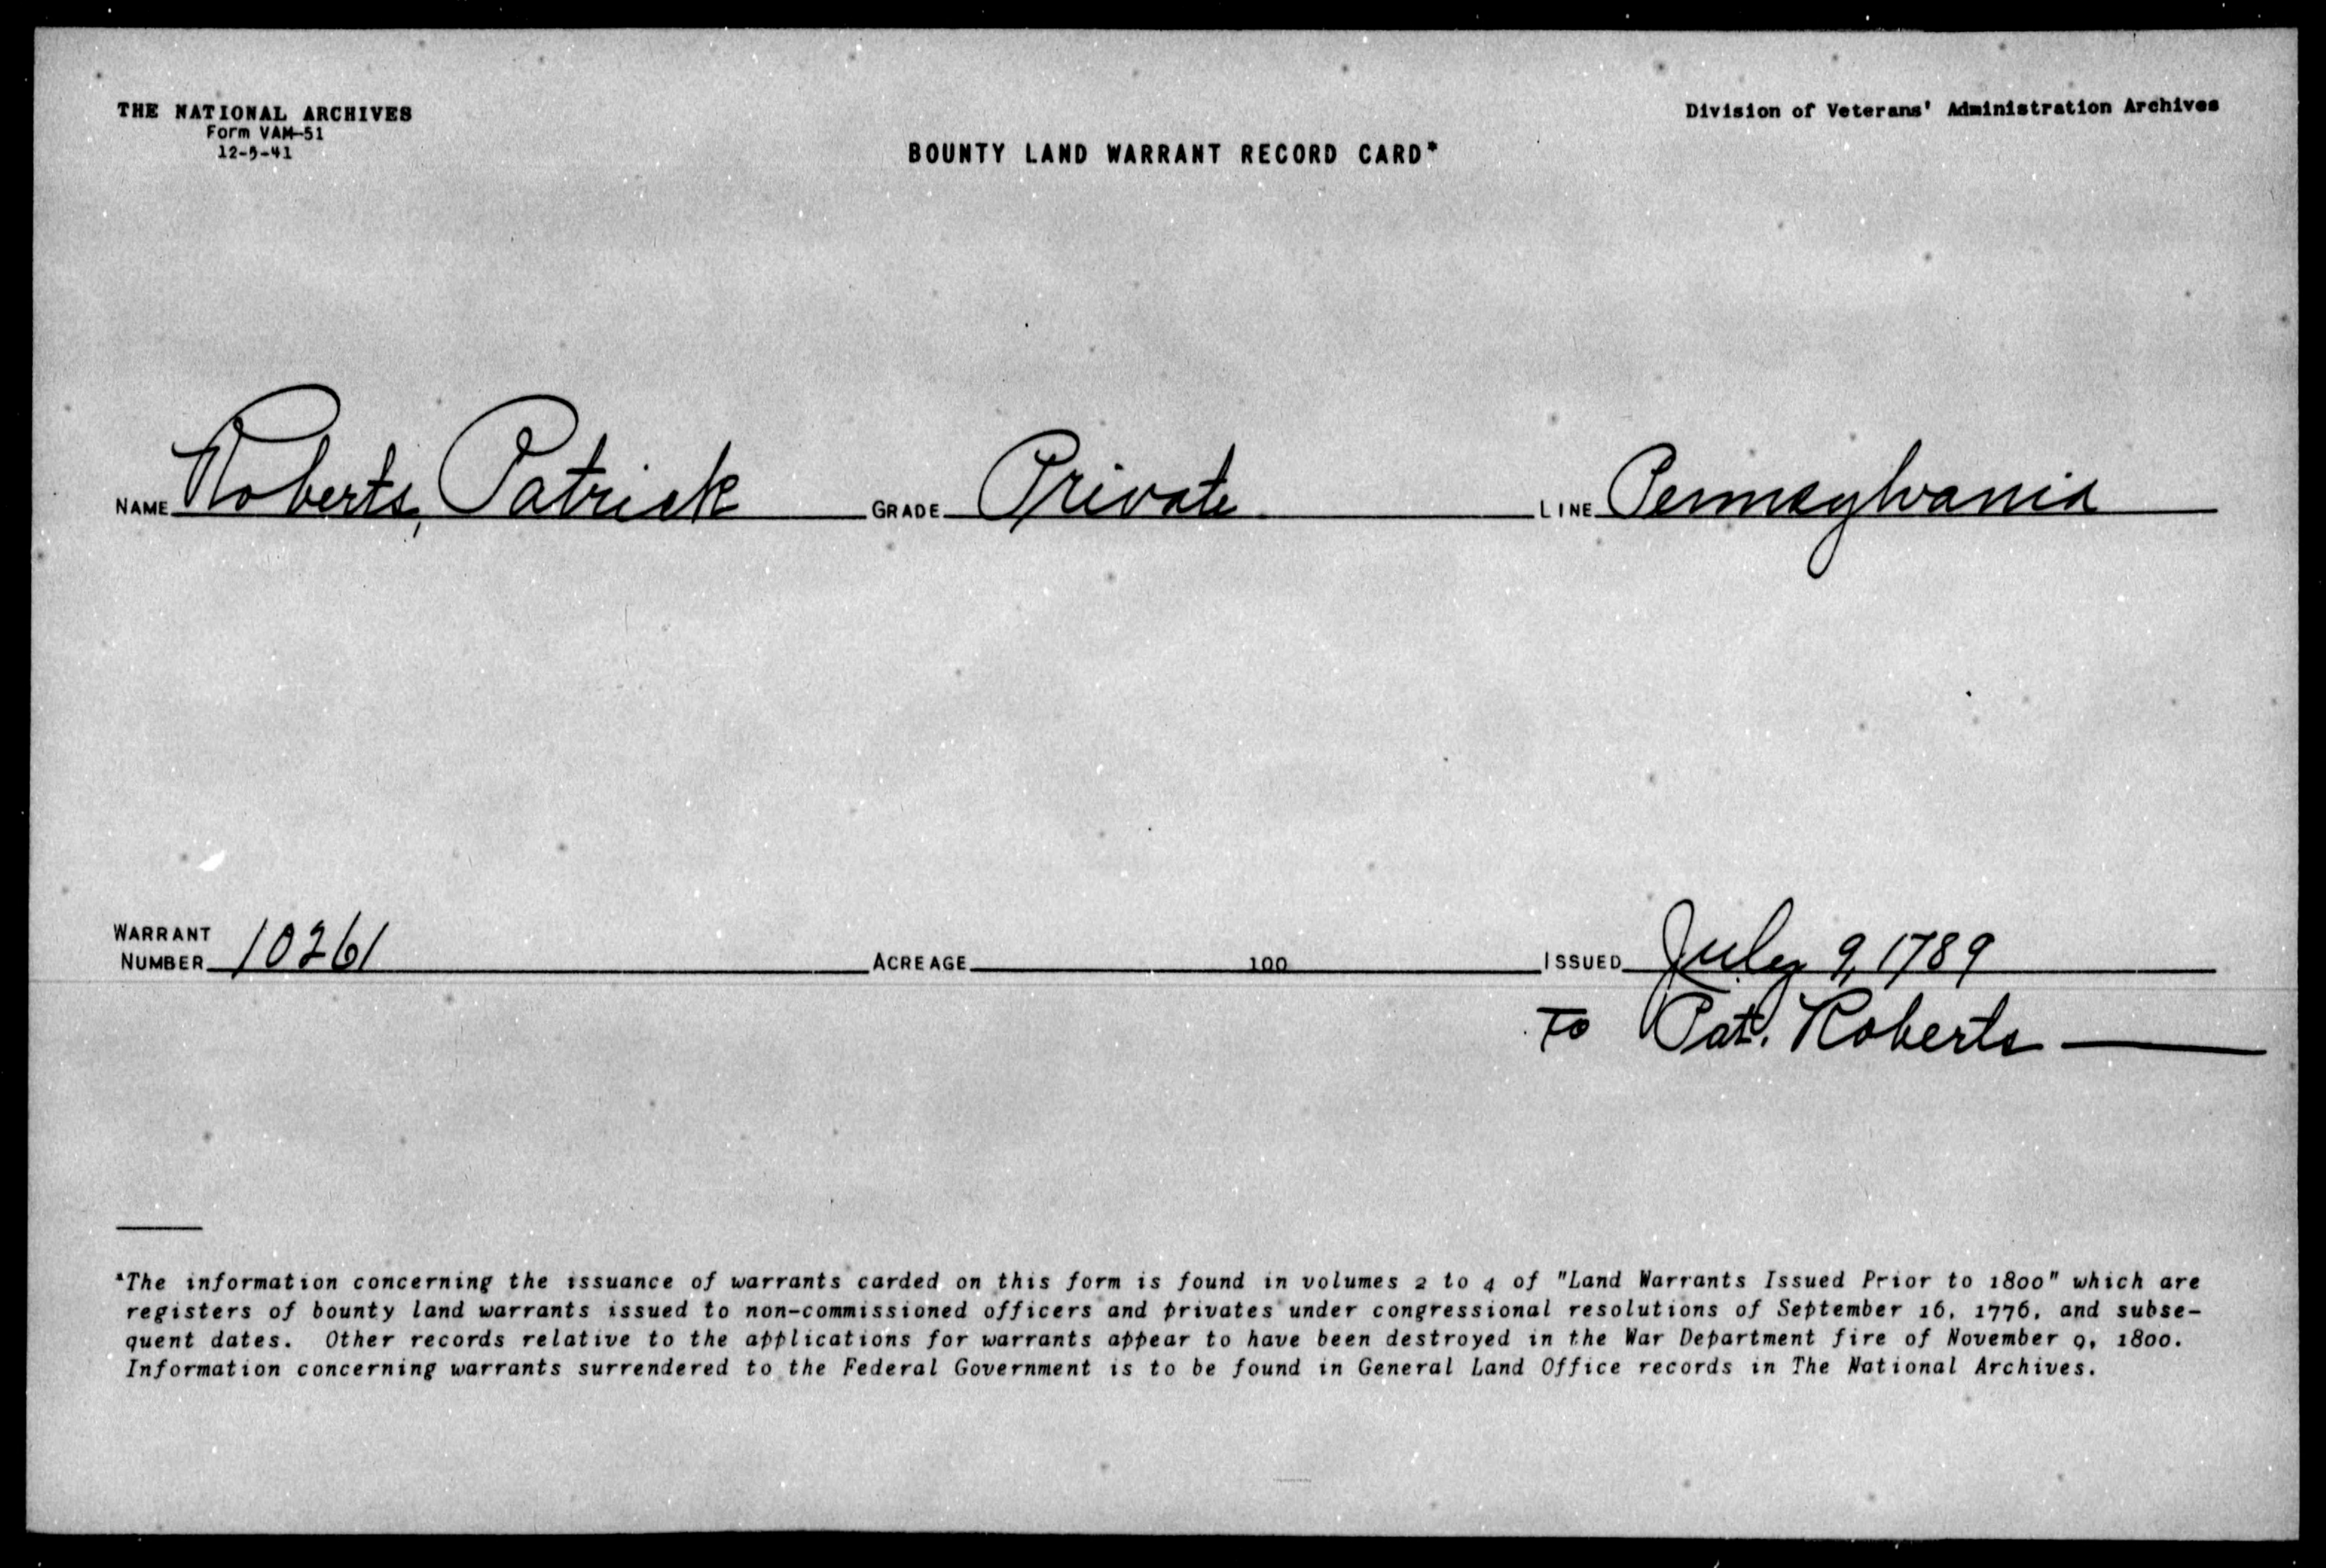THE NATIONAL ARCHIVES
Form VAM-51
12-5-41
Division of Veterans Affairs
BOUNTY LAND WARRANT RECORD CARD*
NAME Roberts, Patrick
GRADE Private
LINE Pennsylvania
WARRANT NUMBER 10261
ACERAGE 100
ISSUED July 9, 1789
to Pat. Roberts

*The information concerning the issuance of warrants carded on this form is found in volumes 2 to 4 of "Land Warrants Issued Prior to 1800" which are registers of bounty land warrants issued to non-commissioned officers and privates under congressional resolutions of September 16, 1776, and subsequent dates. Other records relative to the applications for warrants appear to have been destroyed in the War Department fire of November 9, 1800.  Information concerning warrants surrendered to the Federal Government is to be found in General Land Office records in The National Archives.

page: 6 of 59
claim: bounty land warrant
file: B.L.Wt. 2359-500, for Owen Roberts, South Carolina